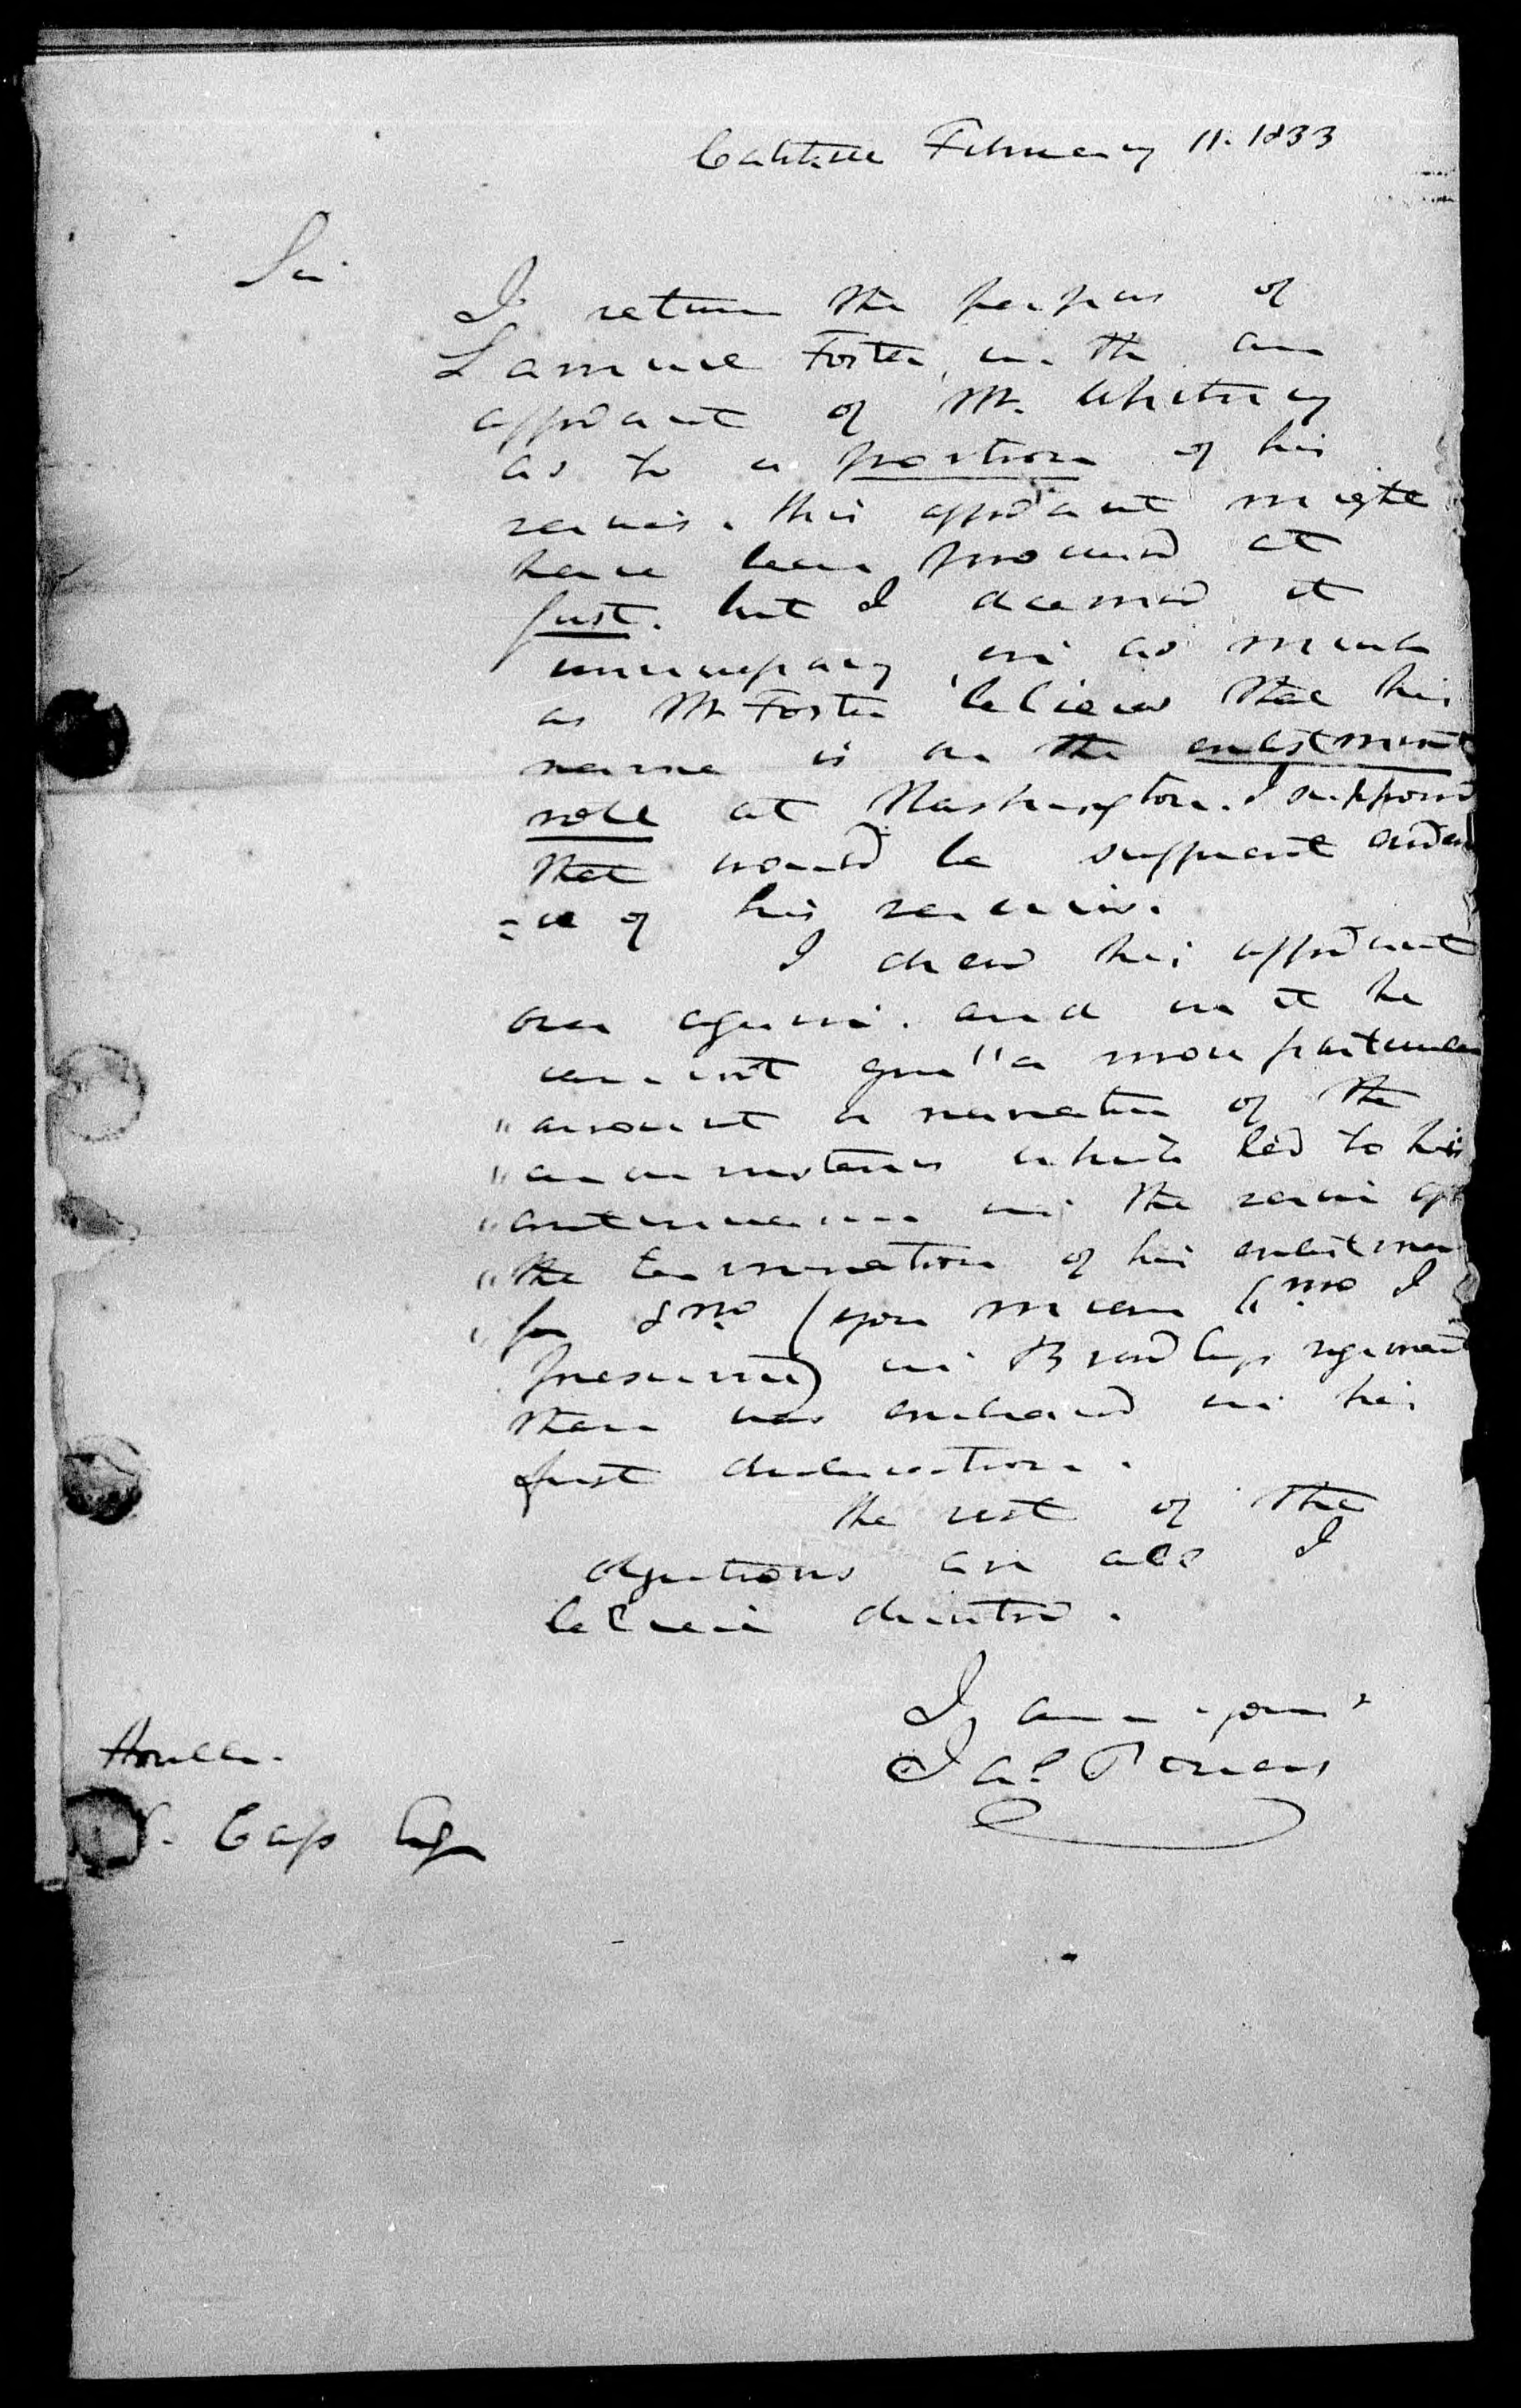Catskill February 11. 1833
Sir
I return the papers of Samuel Foster in the [illegible] affidavit of Mr. Whitney as to a portion [underlined] of his services. this affidavit might have been proven at first [underlined]. but I [illegible] it [illegible] in as much as Mr Foster believes that his name is on the enlistment [underlined] note [underlined] at Washington. I supposed that would be sufficient evidence of his service.
I drew his affidavit over again. and in it he cannot give "a more particulars around a [illegible] of the circumstances [illegible] led to his continuance in the service [illegible] the termination of his enlistment for 8 mo. (you mean [illegible] mo. I presume) in Bradleys regiment there was enlisted in his first declaraion.
the rest of the objections can all I believe [illegible].
I am yours
[signed] Jas. Powers
[illegible notation on lower left of page]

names: Jas Powers, L Cass, Foster, Whitney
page: 14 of 54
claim: survivor's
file: S. 13,043, Samuel Foster, Conn.